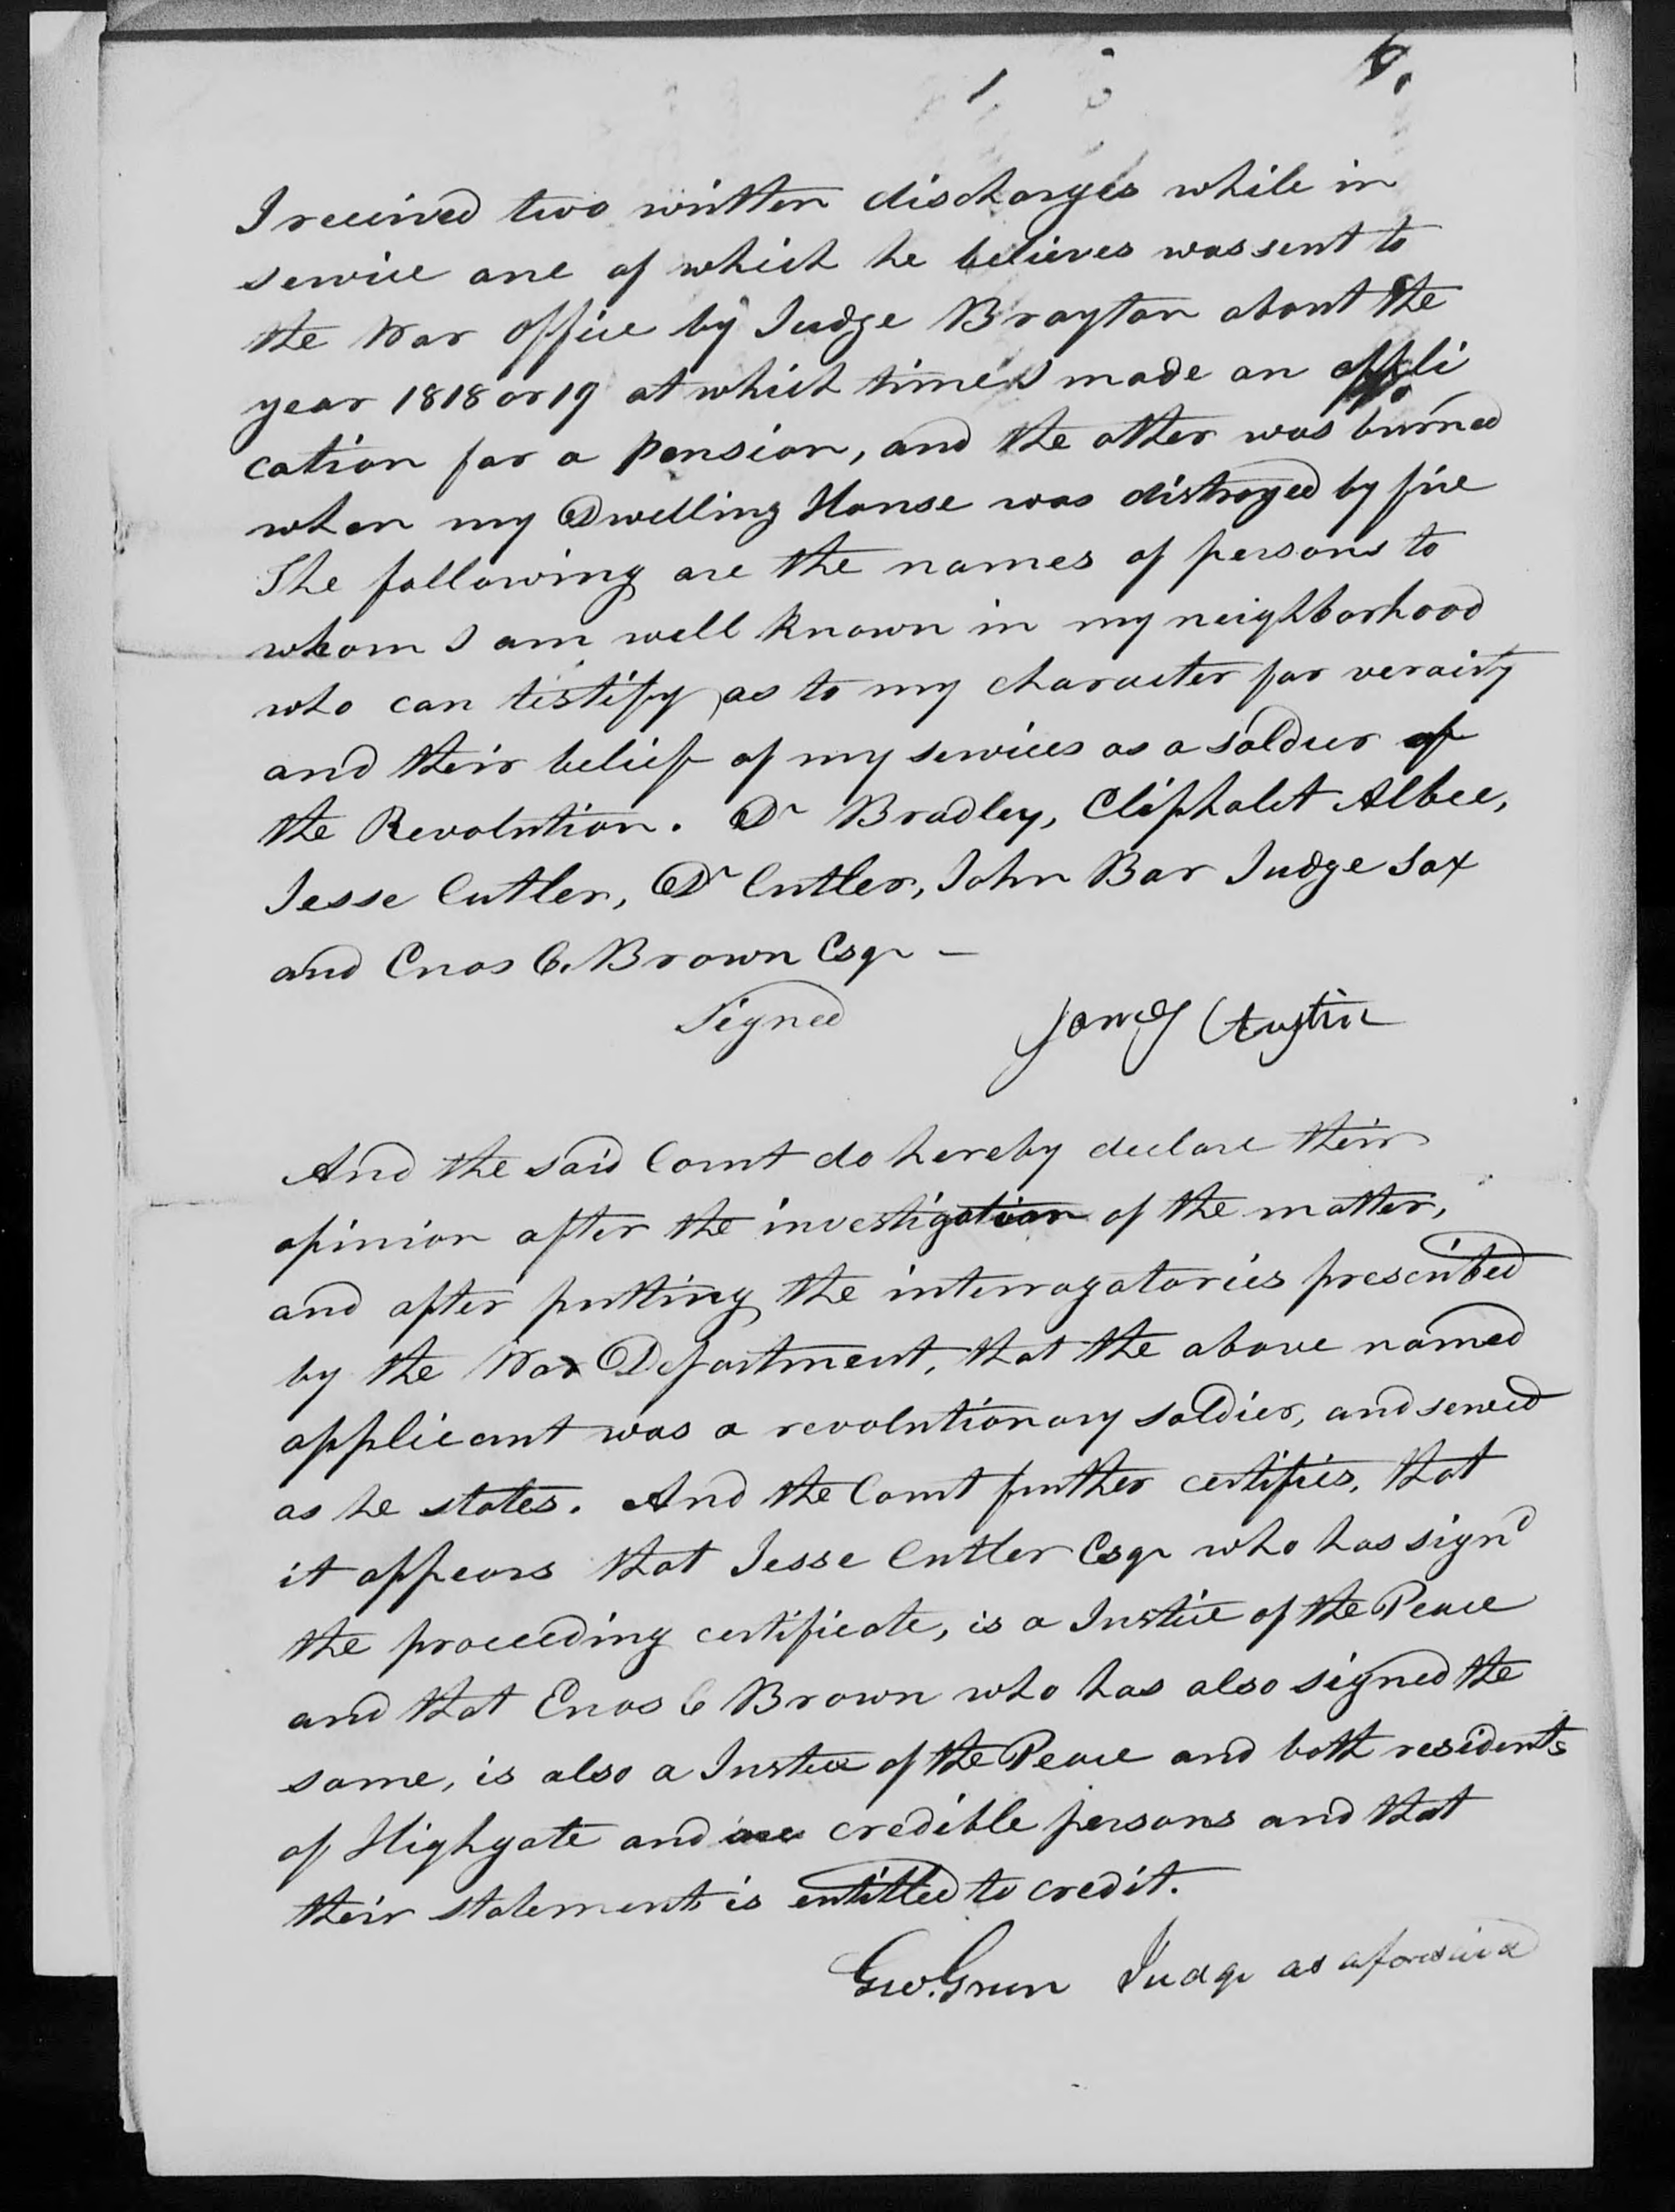I received two written discharges while in service one of which he believes was sent to the War Office by Judge Brayton about the year 1818 or 17 at which time he made an application for a pension, and the other was burned when my dwelling house was destroyed by fire The following are the names of persons to whom I am well known in my neighborhood who can testify as to my character for veracity and their belief of my service as a soldier of the Revolution.  Dr Bradley, Eliphalet Albee, Jesse Cutler, Dr Cutler, John Barr Judge Sax and Enos E. Brown Esqr -- Signed
James Austin [signature]

And the said Court do hereby declare their opinion after the investigation of the matter, and after putting the interrogatories prescribed by the War Department, that the above named applicant was a revolutionary soldier, and seemed as he states. And the Court further certifies, that it appears that Jesse Cutler Esqr who has signed the proceeding certificate, is a Justice of the Peace and that Enos E Brown who has also signed the same, is also a Justice of the Peace and both residents of Highgate and seem credible persons and that their statement is entitled to credit.
Geo. Green  Judge as aforesaid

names: Jesse Cutler, James Austin, Bradley, John Bar, Enos C Brown, Judge Brayton, Enos C Brown, Cutler, Geo Green, Judge Sax, Cliphalet Albee, Jesse Cutler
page: 26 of 100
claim: survivor's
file: S 19186, James Austin, Conn. New York R.I.